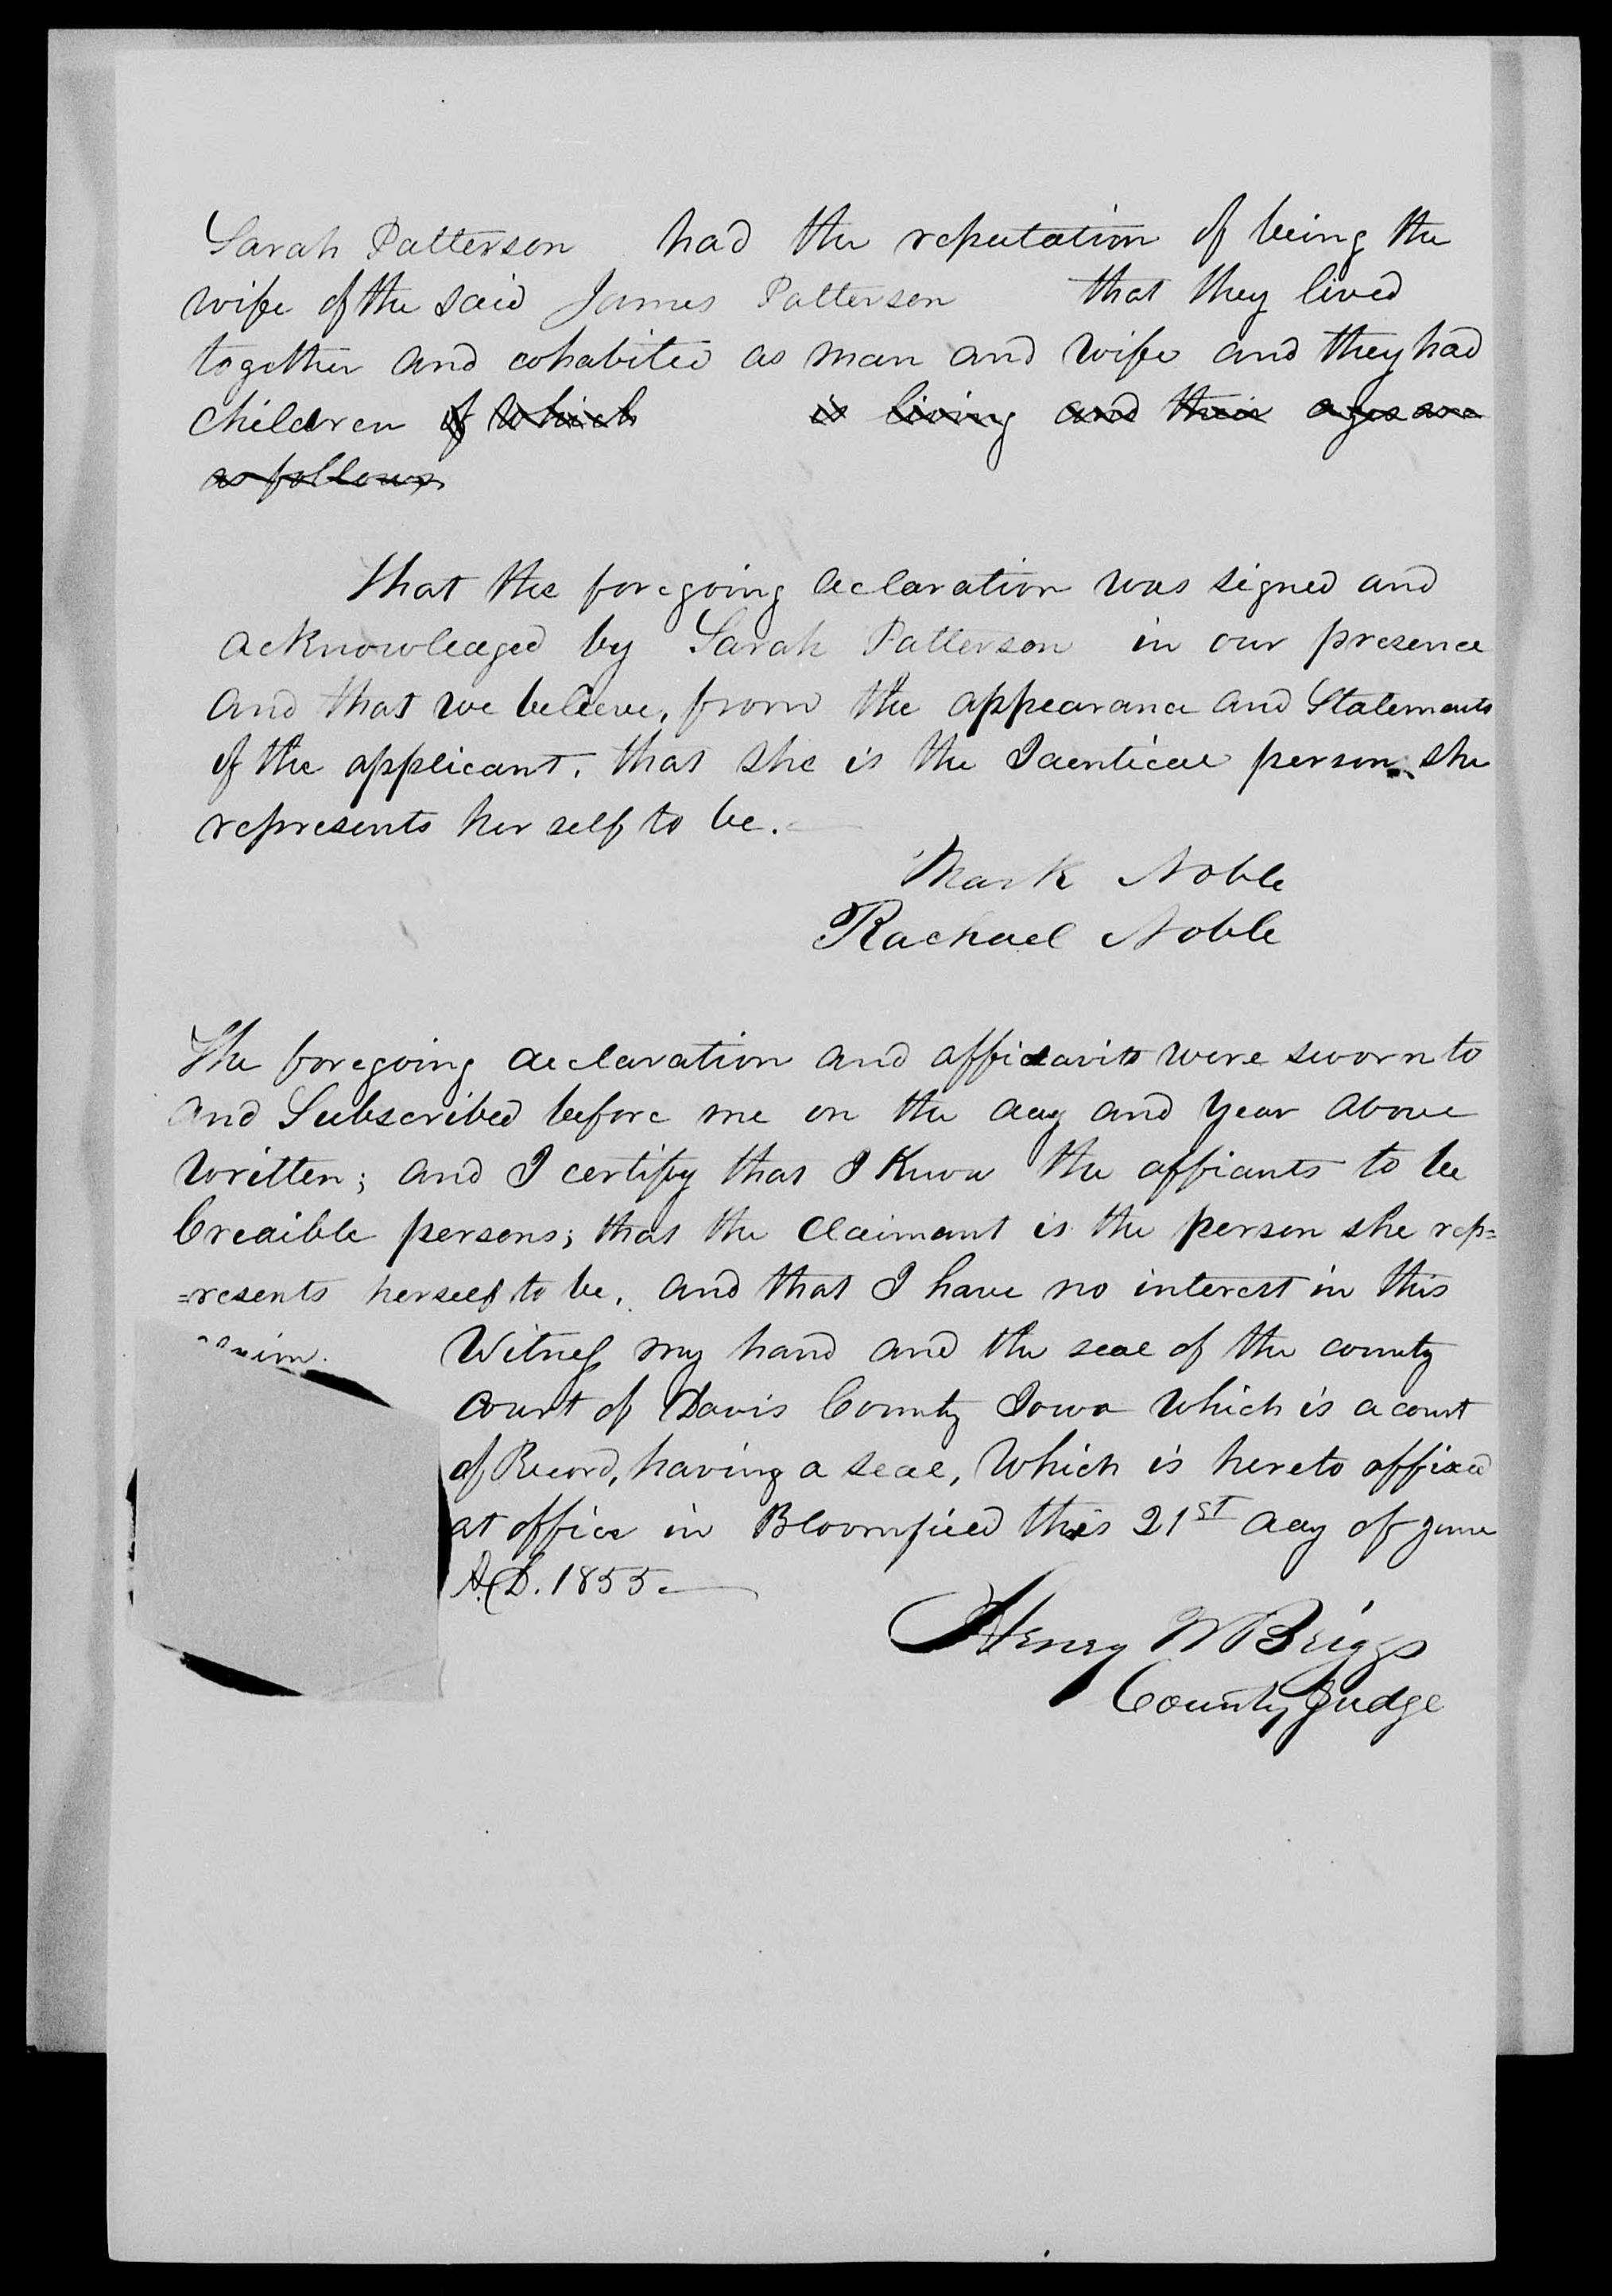Sarah Patterson had the reputation of being the wife of the said James Patterson that they lived together and cohabited as man and wife and they had children of which    is living and their ages are as follows. That the foregoing declaration was signed and acknowledged by Sarah Patterson in our presence and that we believe, from the appearance and statements of the applicant, that she is the Identical person she represents herself to be.
Mark Noble 
Rachael Noble 

The foregoing declaration and affidavits were sworn to and Subscribed before me on the day and year above written; and I certify that I know the affiants to be Credible persons; that the claimant is the person she represents herself to be, and that I have no interest in this claim.
Witness my hand and the seal of the County Court of Davis County Iowa which is a court of Record, having a Seal, which is hereto affixed at office in Bloomfield this 21st day of June A.D. 1855.
Henry W Briggs 
County Judge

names: Mark Noble; Henry W Briggs; James Patterson; Sarah Patterson; Rachael Noble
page: 25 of 69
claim: widow's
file: W. 10861, for James Patterson, North Carolina